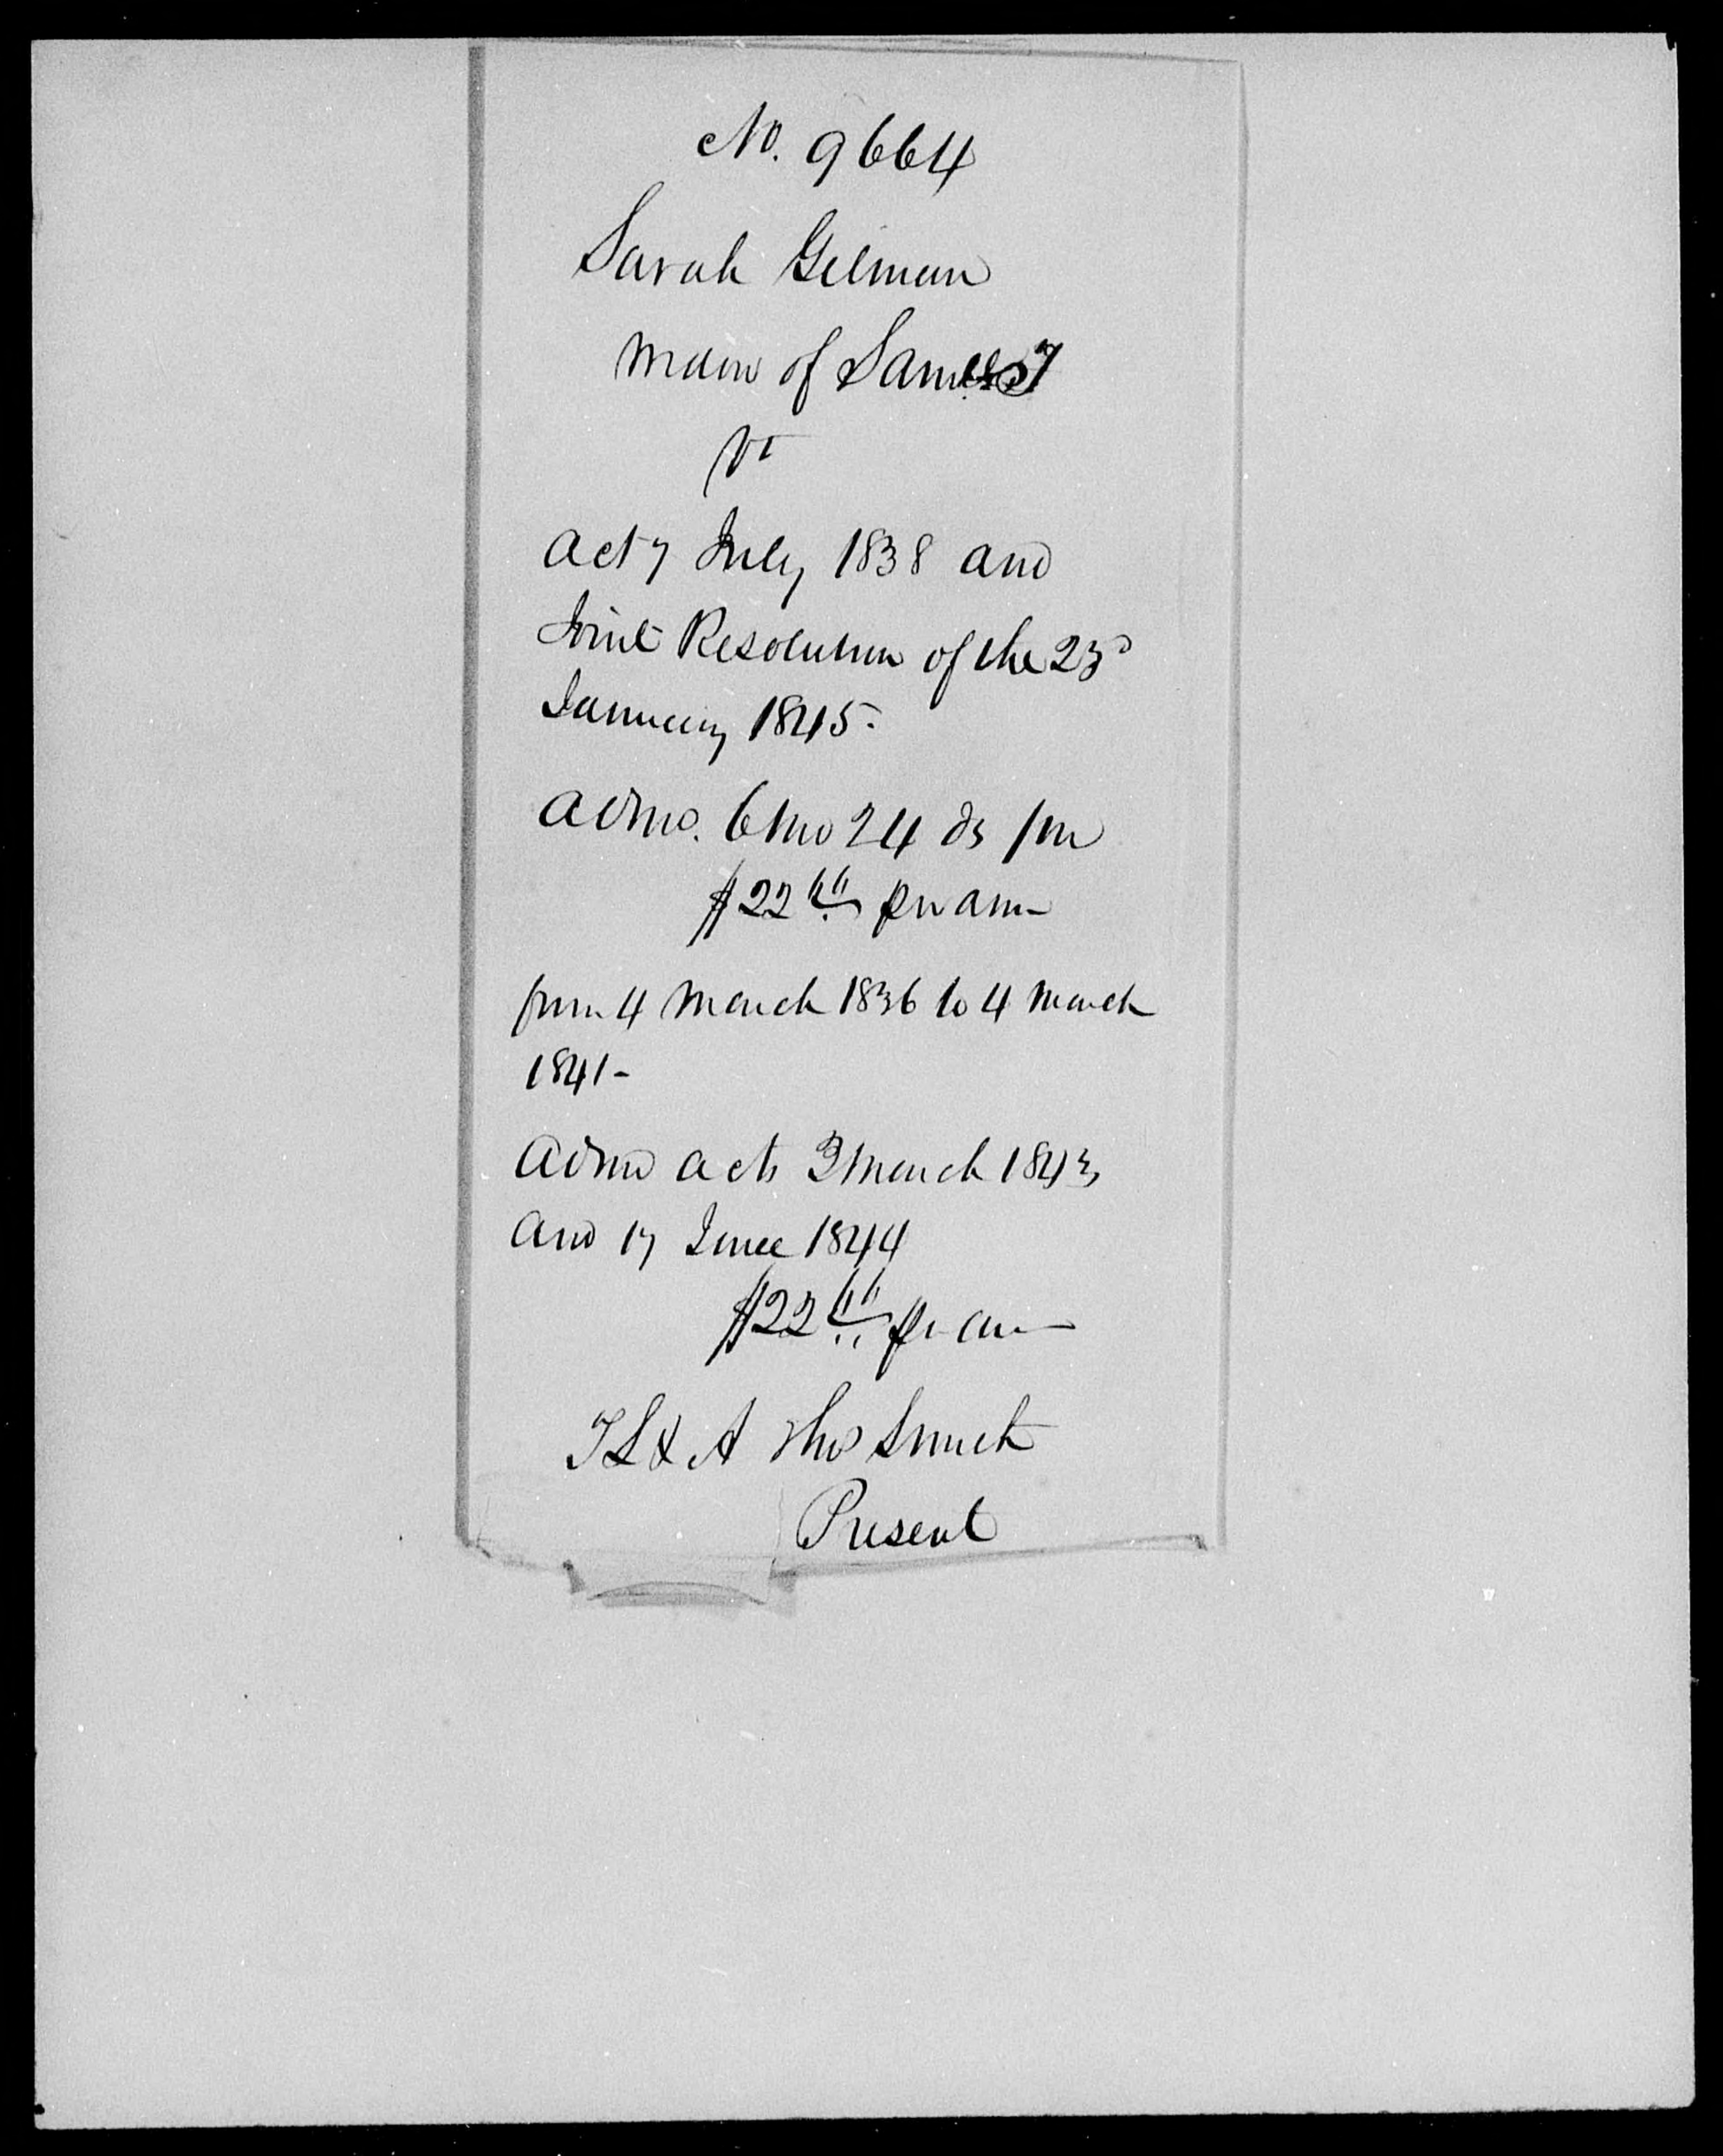No. 9664

Sarah Gilman
widow of Samuel T
vi
Act 7 July 1838 and
Int Resolutions of the 25
January 1845.
adm 6 mo 24 dy per
$22" " per an
from 4 March 1836 to 4 March
1841-
adm  acts 3 March 1843
and 17 June 1844
$22" " per an
TL and A Tho Smith
Present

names: T L Smith, Sarah Gilman, Saml T Gilman, A Thos Smith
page: 18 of 61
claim: widow's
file: W. 19500, Samuel Thing Gilman, Continental N.H.